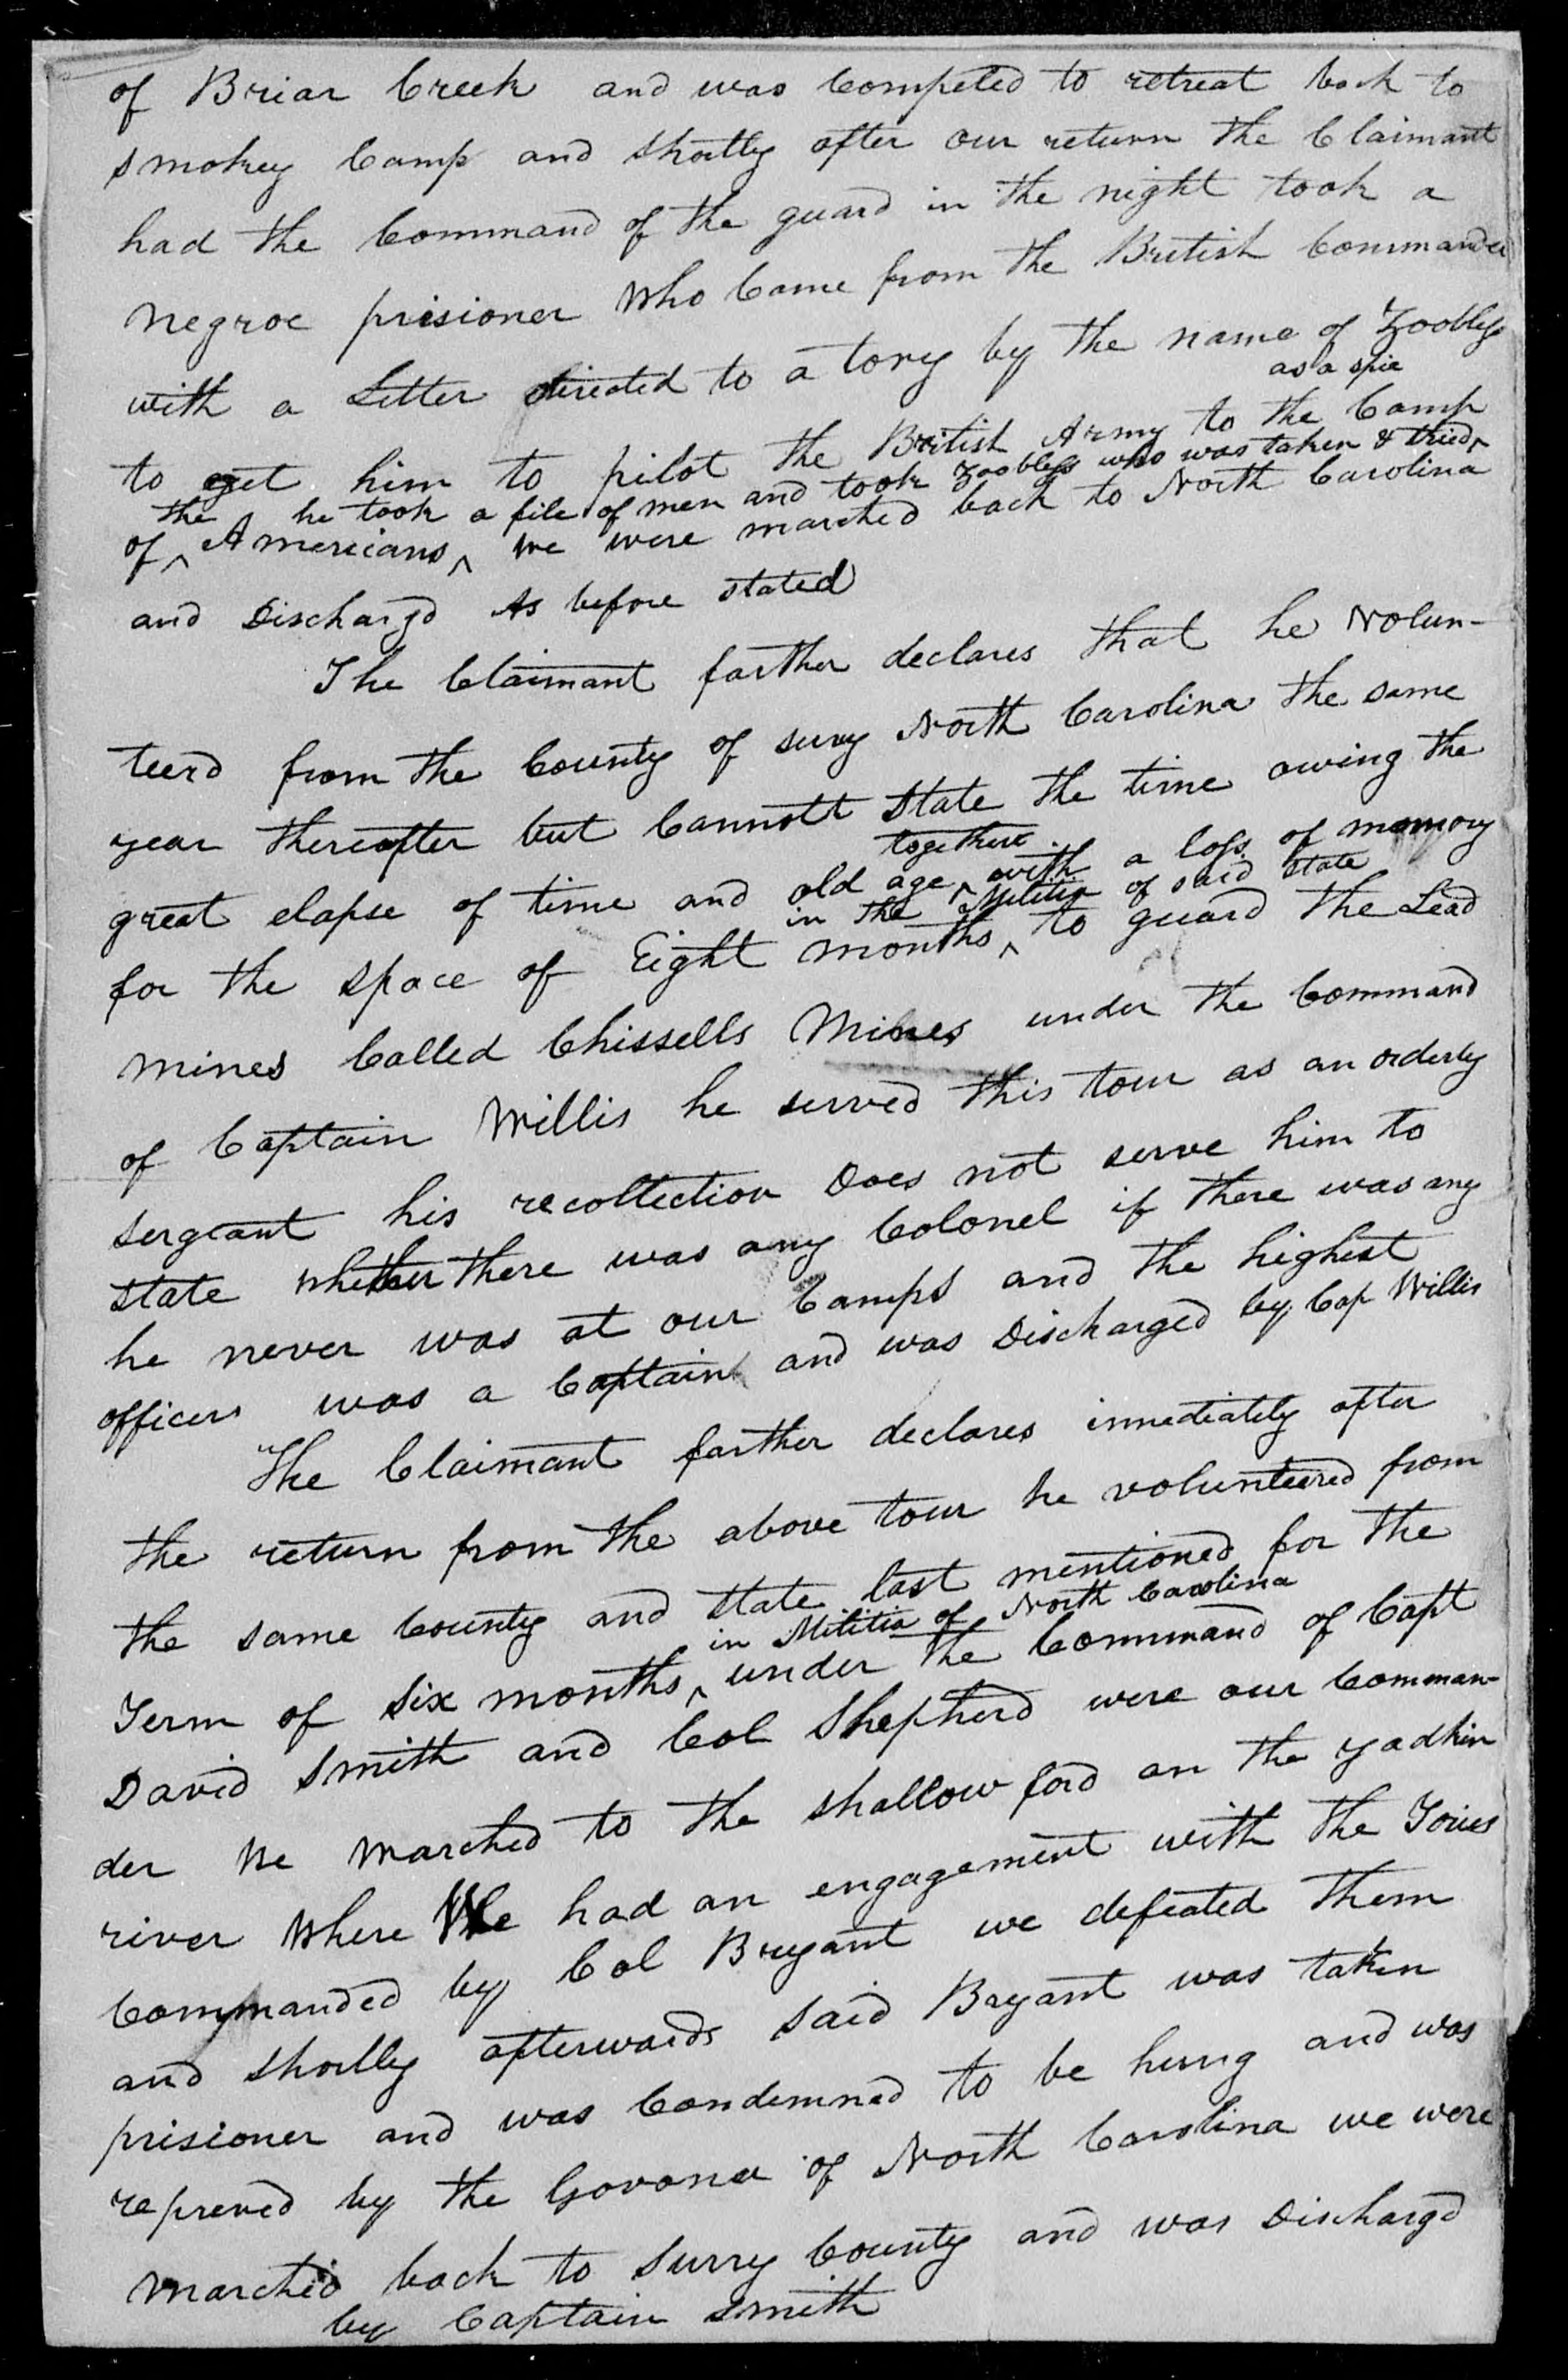of Briar Creek and was competed to retreat back to Smokey Camp and shortly after our return the claimant had the command of the guard in the night took a negroe prisioner who came from the British Commander with a letter directed to a tory by the name of Zoobly as a spie to get him to pilot the British Army to the Camp of the Americans  he took a file of men and took Zooblys who was taken & tried We were marched back to North Carolina and dischargd as before stated
The claimant farther declares that he volunteerd from the county of surry North Carolina the same year thereafter but cannott state the time owing the great elapse of time and old age together with the loss of memory for the space of eight months in the militia of said state to guard the lead mines called Chissells mines under the command of Captain Willis he served this tour as an orderly sergeant his recollection does not serve him to state whether there was any colonel if there was any he never was at our camps and the highest officers was a captain and was discharged by Cap Willis
The claimant farther declares immediately after the return from the above tour he volunteered from the same county and state last mentioned from the term of six months in the militia of North Carolina under the Command of Captain David Smith and Col Shepheard were our commander We marched to the shallow ford on the yadkin river where we had an engagement with the Tories commander by Col Bryant  we defeated them and shortly afterwards said Bryant was taken prisioner and was condemned to be hung and was repreved by the Govoner of North Carolina we were marched by to Surry County and was dischargd by Captain Smith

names: Willis, Shepherd, Willis, Smith, David Smith, Zoobless, Bryant, Bryant, Zoobless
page: 6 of 82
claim: widow's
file: W. 7,522, John Giles, N.C.